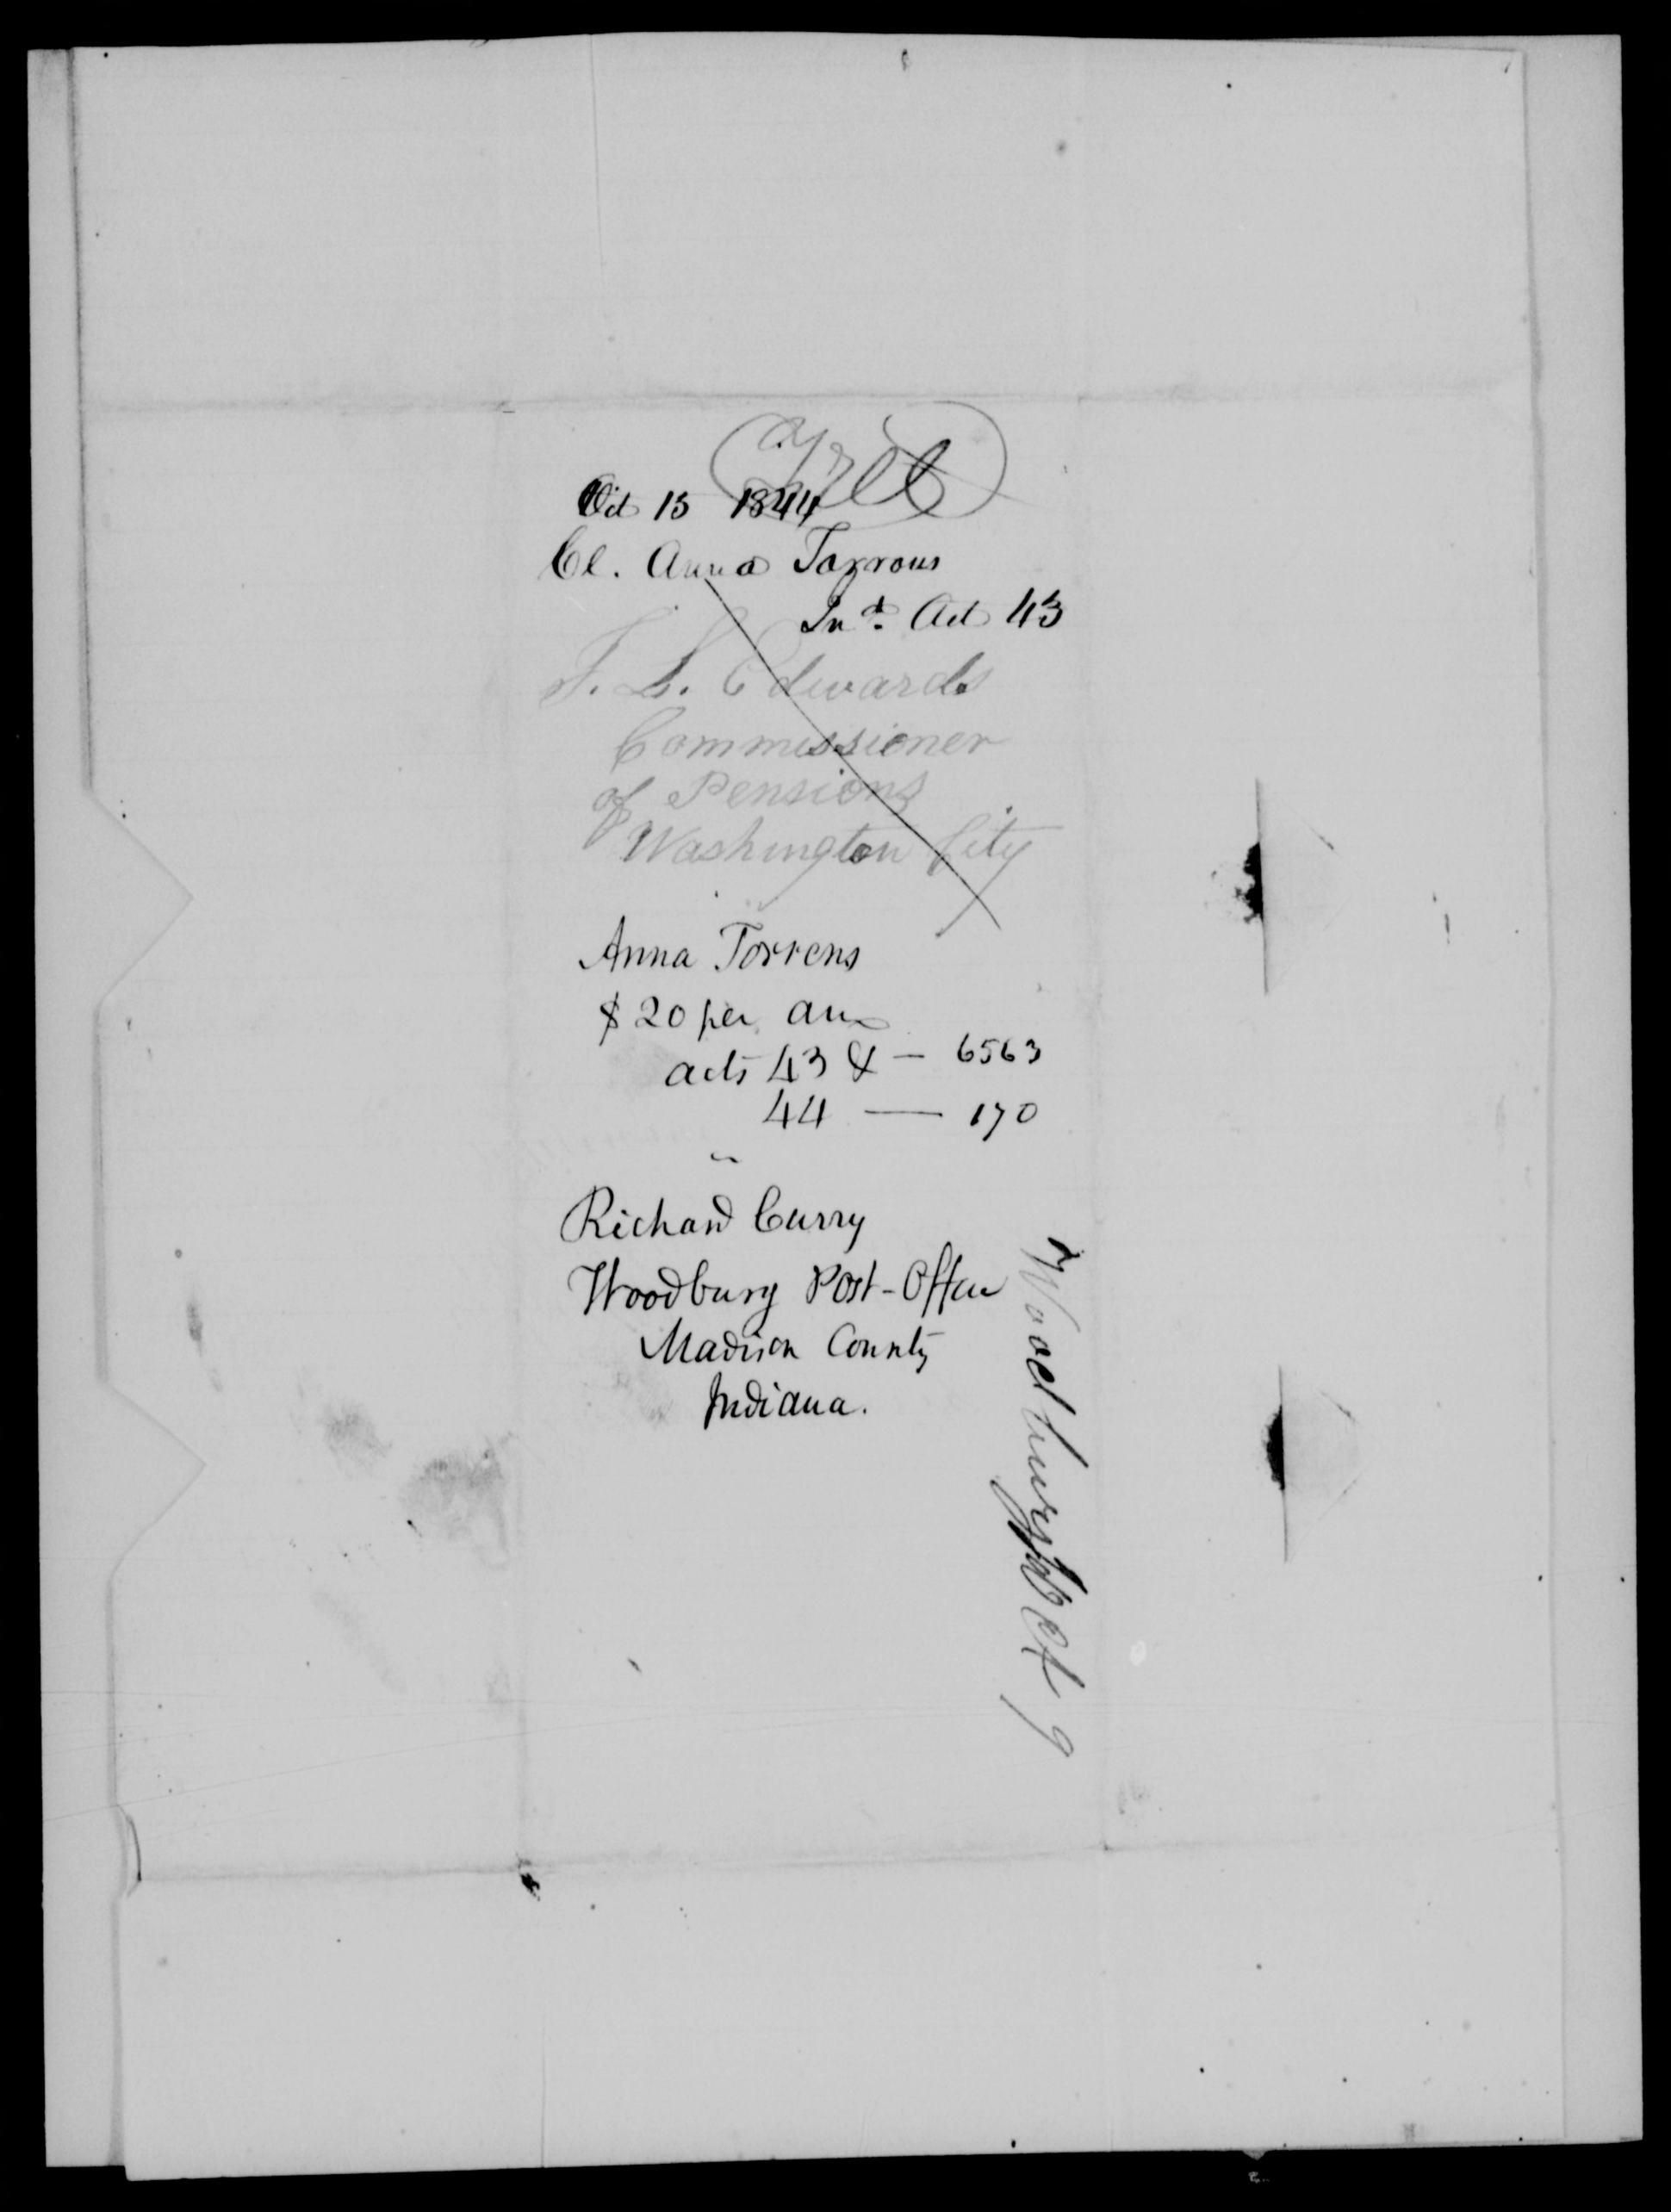Free
Oct 15 1844
Cl. Anna Tarrons
Ind. Oct 43
J. L. Edwards
Commissioner
of Pensions
Washington City
Anna Torrens
$20 per an
Acts 43 & - 6563
44 - 170
Richard Curry
Woodbury Post-Office
Madison County
Indiana.
Woodbury PO A 9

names: Anna Torrens, Anna Torrons, J L Edwards, Richard Curry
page: 24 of 27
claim: widow's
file: W. 9860, Samuel Torrons, Va.